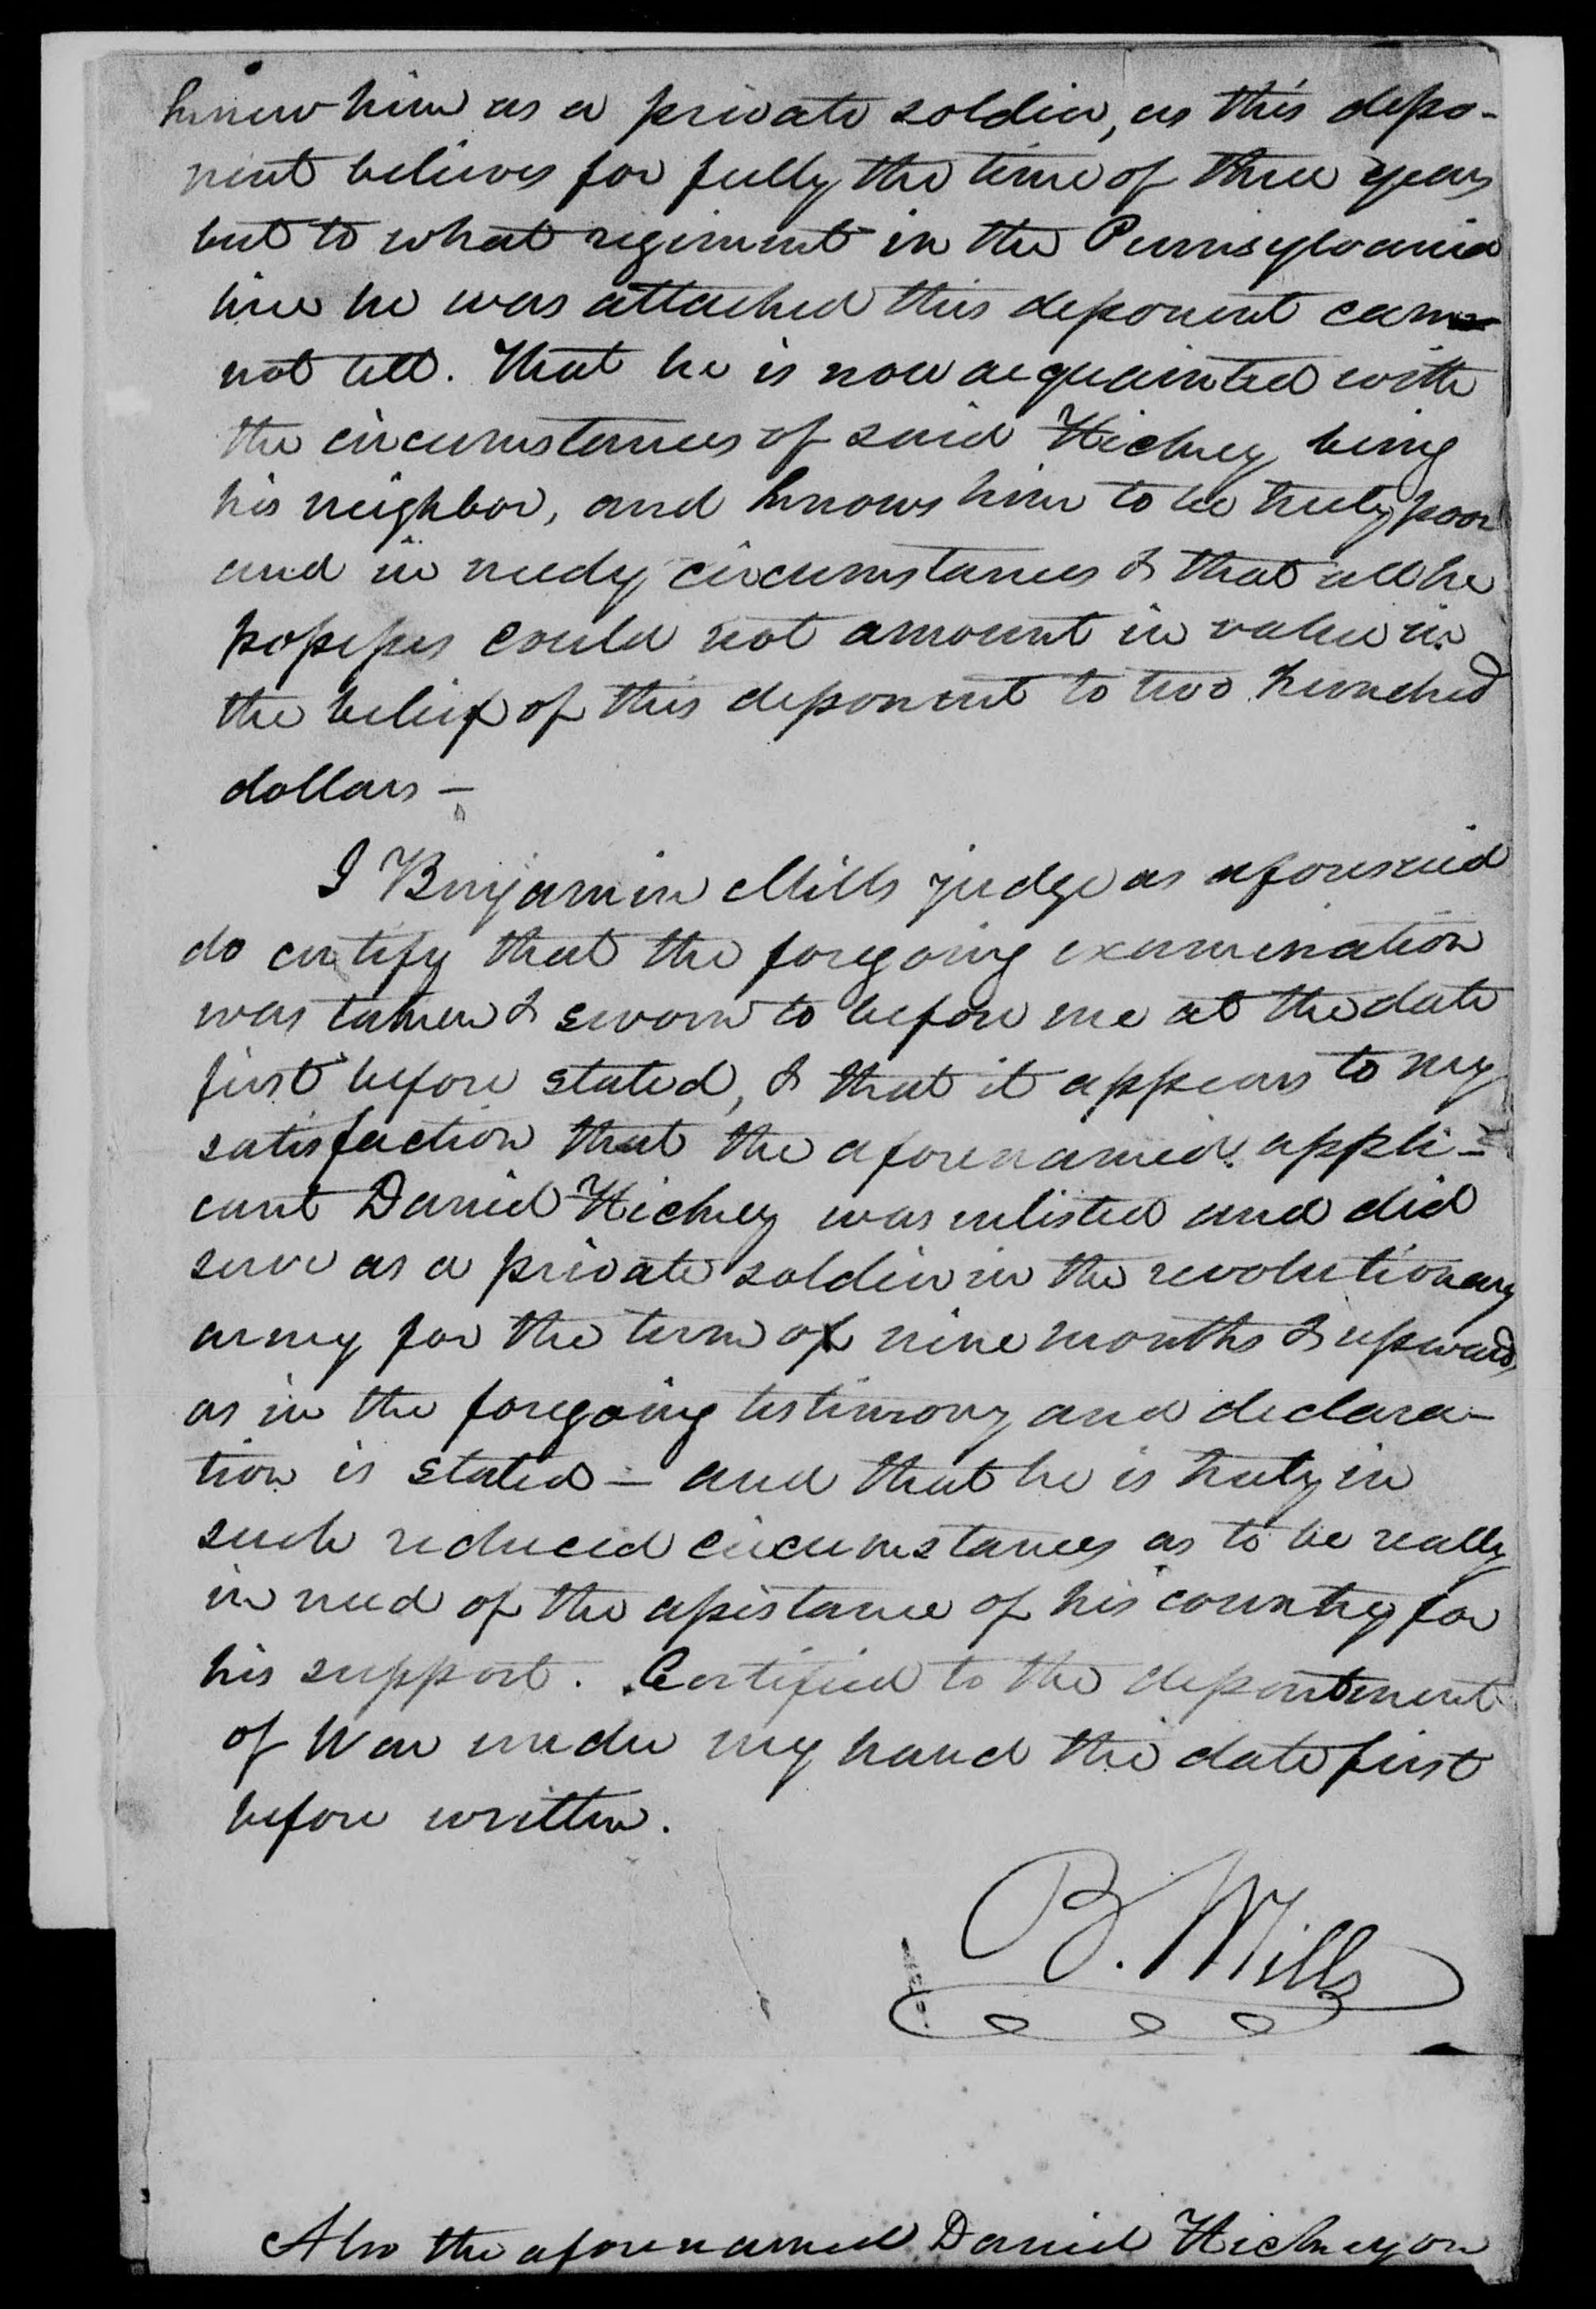knew him as a private soldier, as this deponent
believes for fully the time of three years but
to what regiment in the Pennsylvania line he was attached this deponent cannot tell. that he is now acquainted with the circumstances of said Hickey being his neighbor, and knows him to be truly poor and in needy circumstances & that all he possesses could not amount in value in the belief of this deponent to two hundred dollars-
I Benjamin Mills Judge as aforesaid do certify that the foregoing examination was taken & sworn to before me at the date first before stated, & that it appears to my satisfaction that the aforenamed applicant Daniel Hickey was enlisted and did serve as a private soldier in the revolutionary army for the term of nine months & upward as in the foregoing testimony and declaration is stated - and that he is truly in such reduced circumstances as to be really in need of the assistance of his country for his support. Certified to the department of War under my hand the date first before written.
B. Mills
Also the aforenamed Daniel Hickey on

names: Daniel Hickey, Benjamin Mills, Hickey, B S Hills, Daniel Hickey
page: 51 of 84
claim: widow's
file: W. 7744, Daniel Hickey, Penn.